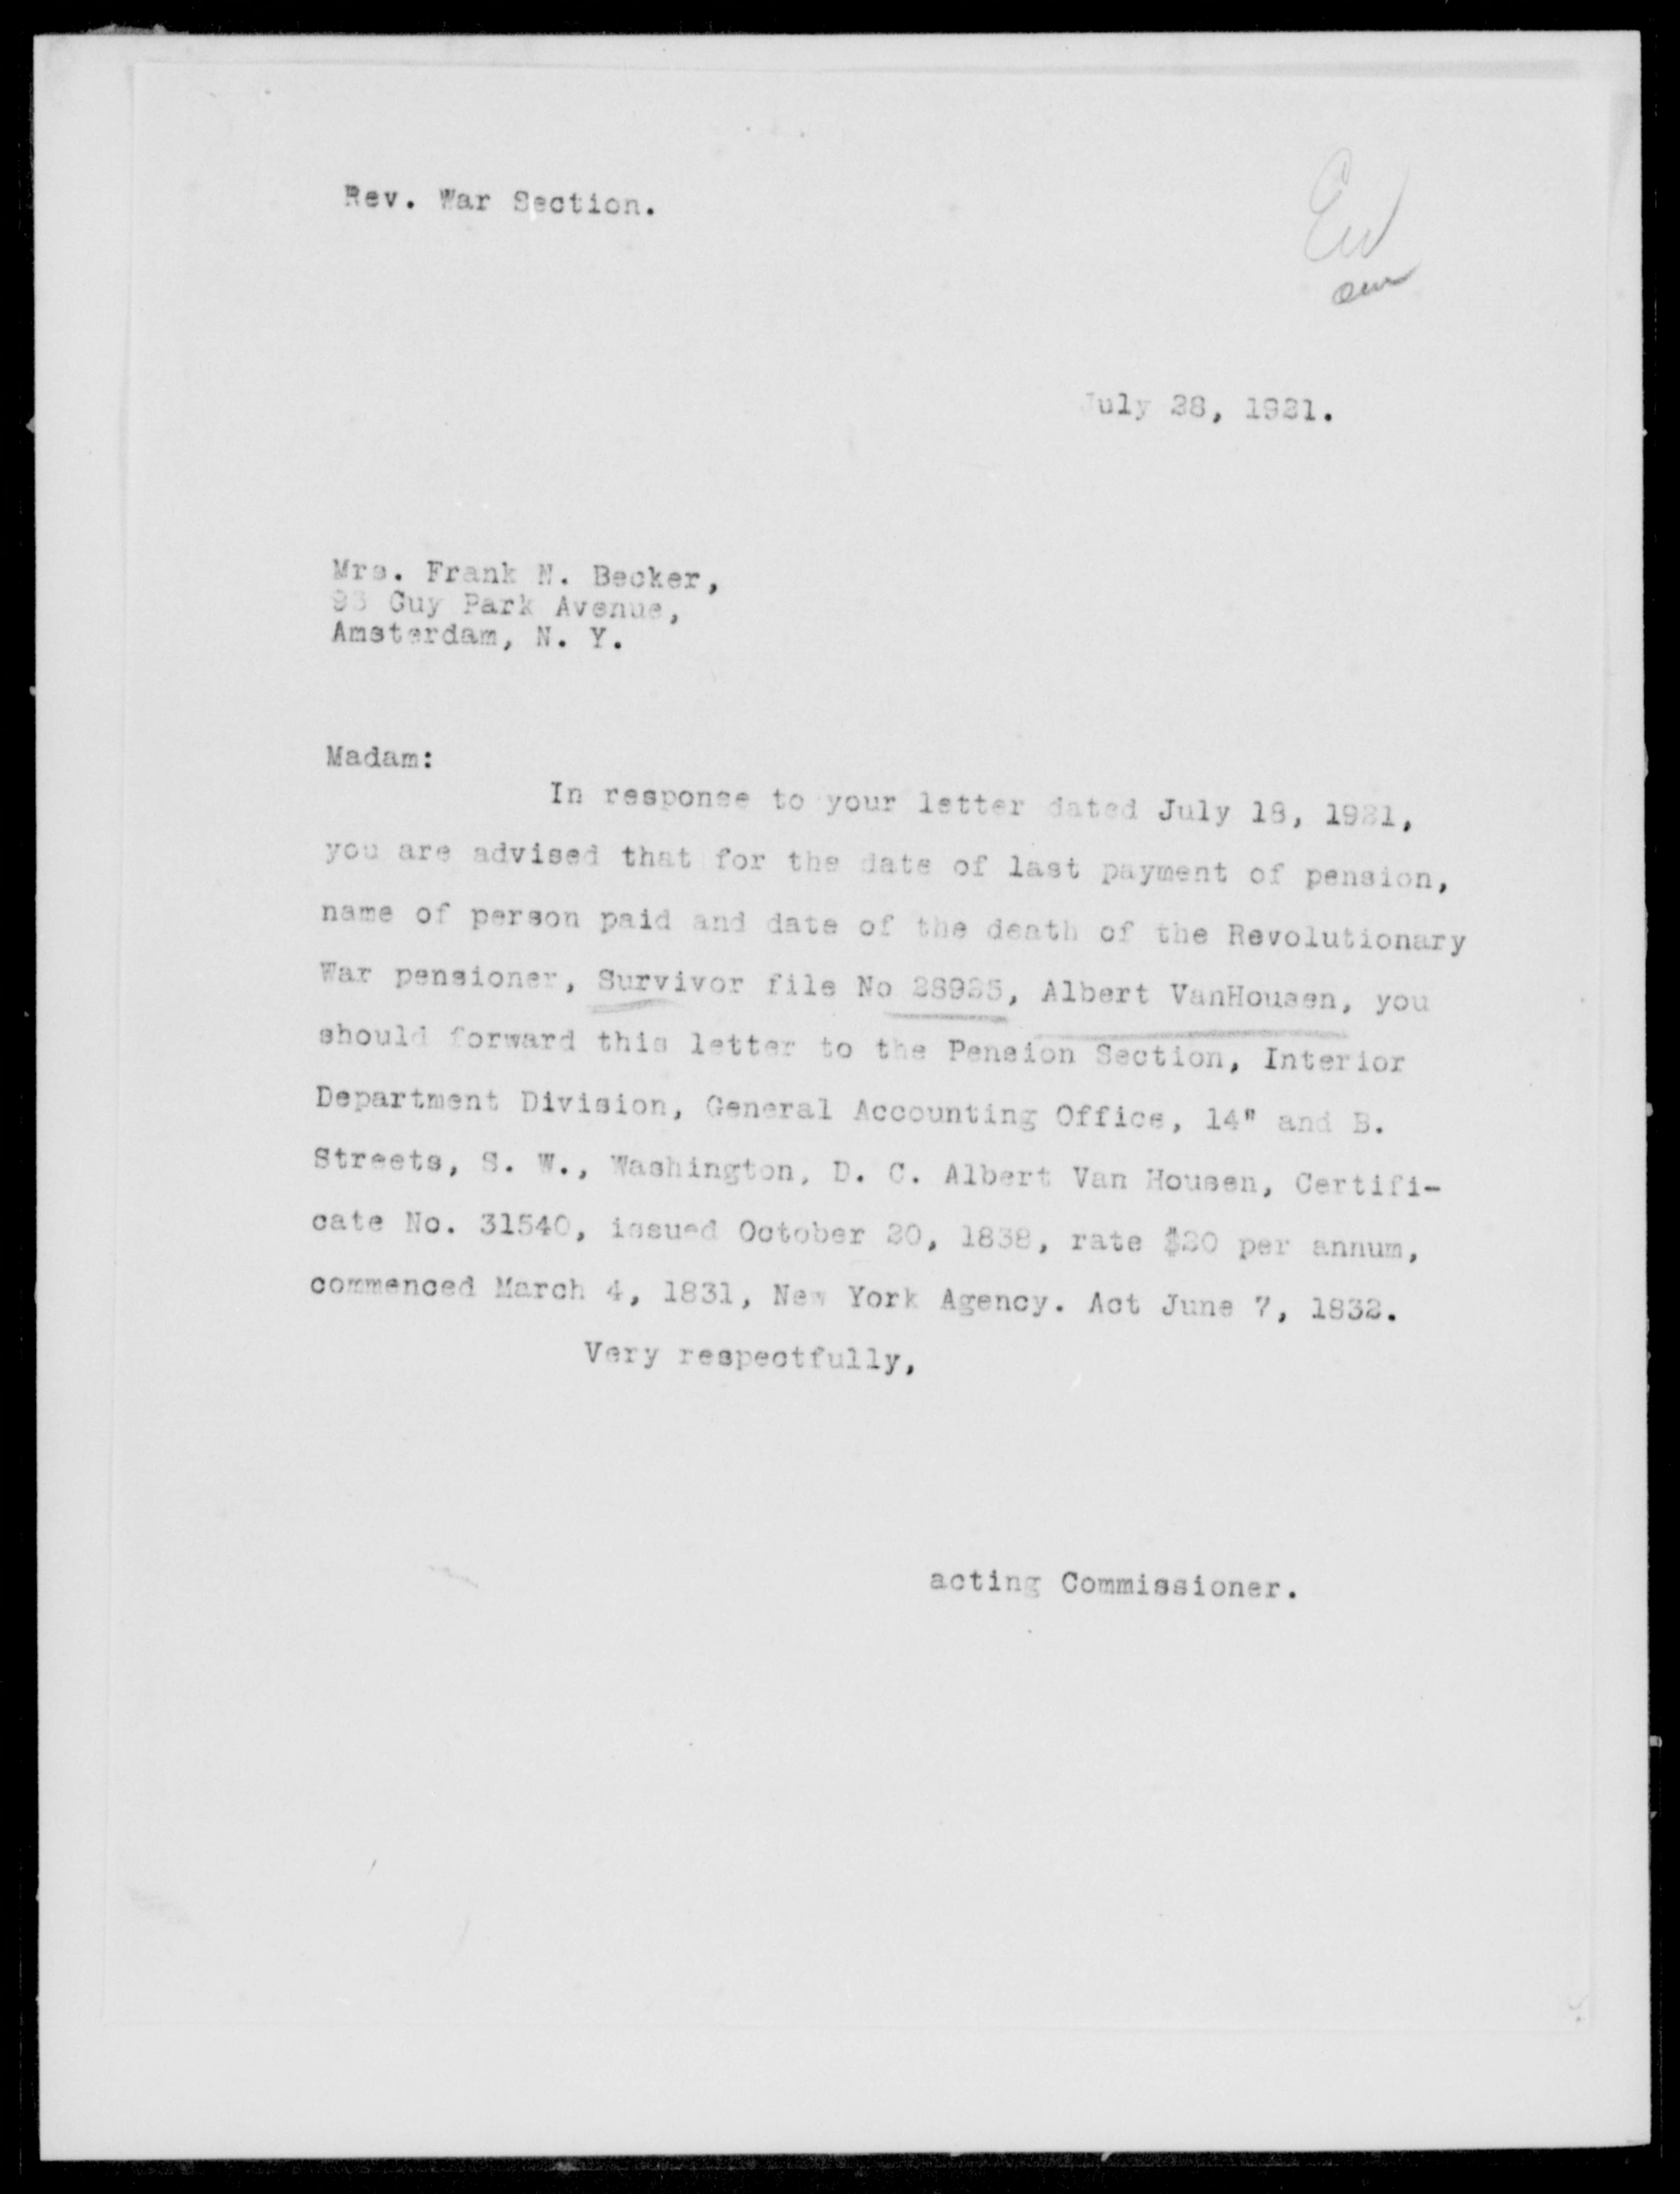Rev. War Section. 

July 28, 1921. 

Mrs. Frank N. Becker, 
3 Guy Park Avenue, 
Amsterdam, N. Y. 
Madam: 
In response to your letter dated July 18, 1921, you are advised that for the date of last payment of pension, name of person paid and date of the death of the Revolutionary War pensioner, Survivor file No 28925, Albert VanHousen, you should forward this letter to the Pension Section, Interior Department Division, General Accounting Office, 14th and B. Streets, S. W., Washington, D. C.  Albert Van Housen, Certificate No. 31540, issued October 20, 1838, rate $20 per annum, commenced March 4, 1831, New York Agency. Act June 7, 1832. 
Very respectfully, 
acting Commissioner.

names: Frank N Becker, Albert Van Housen, Albert Van Housen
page: 40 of 57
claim: survivor's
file: S. 28,925, Albert Van Housen, New York